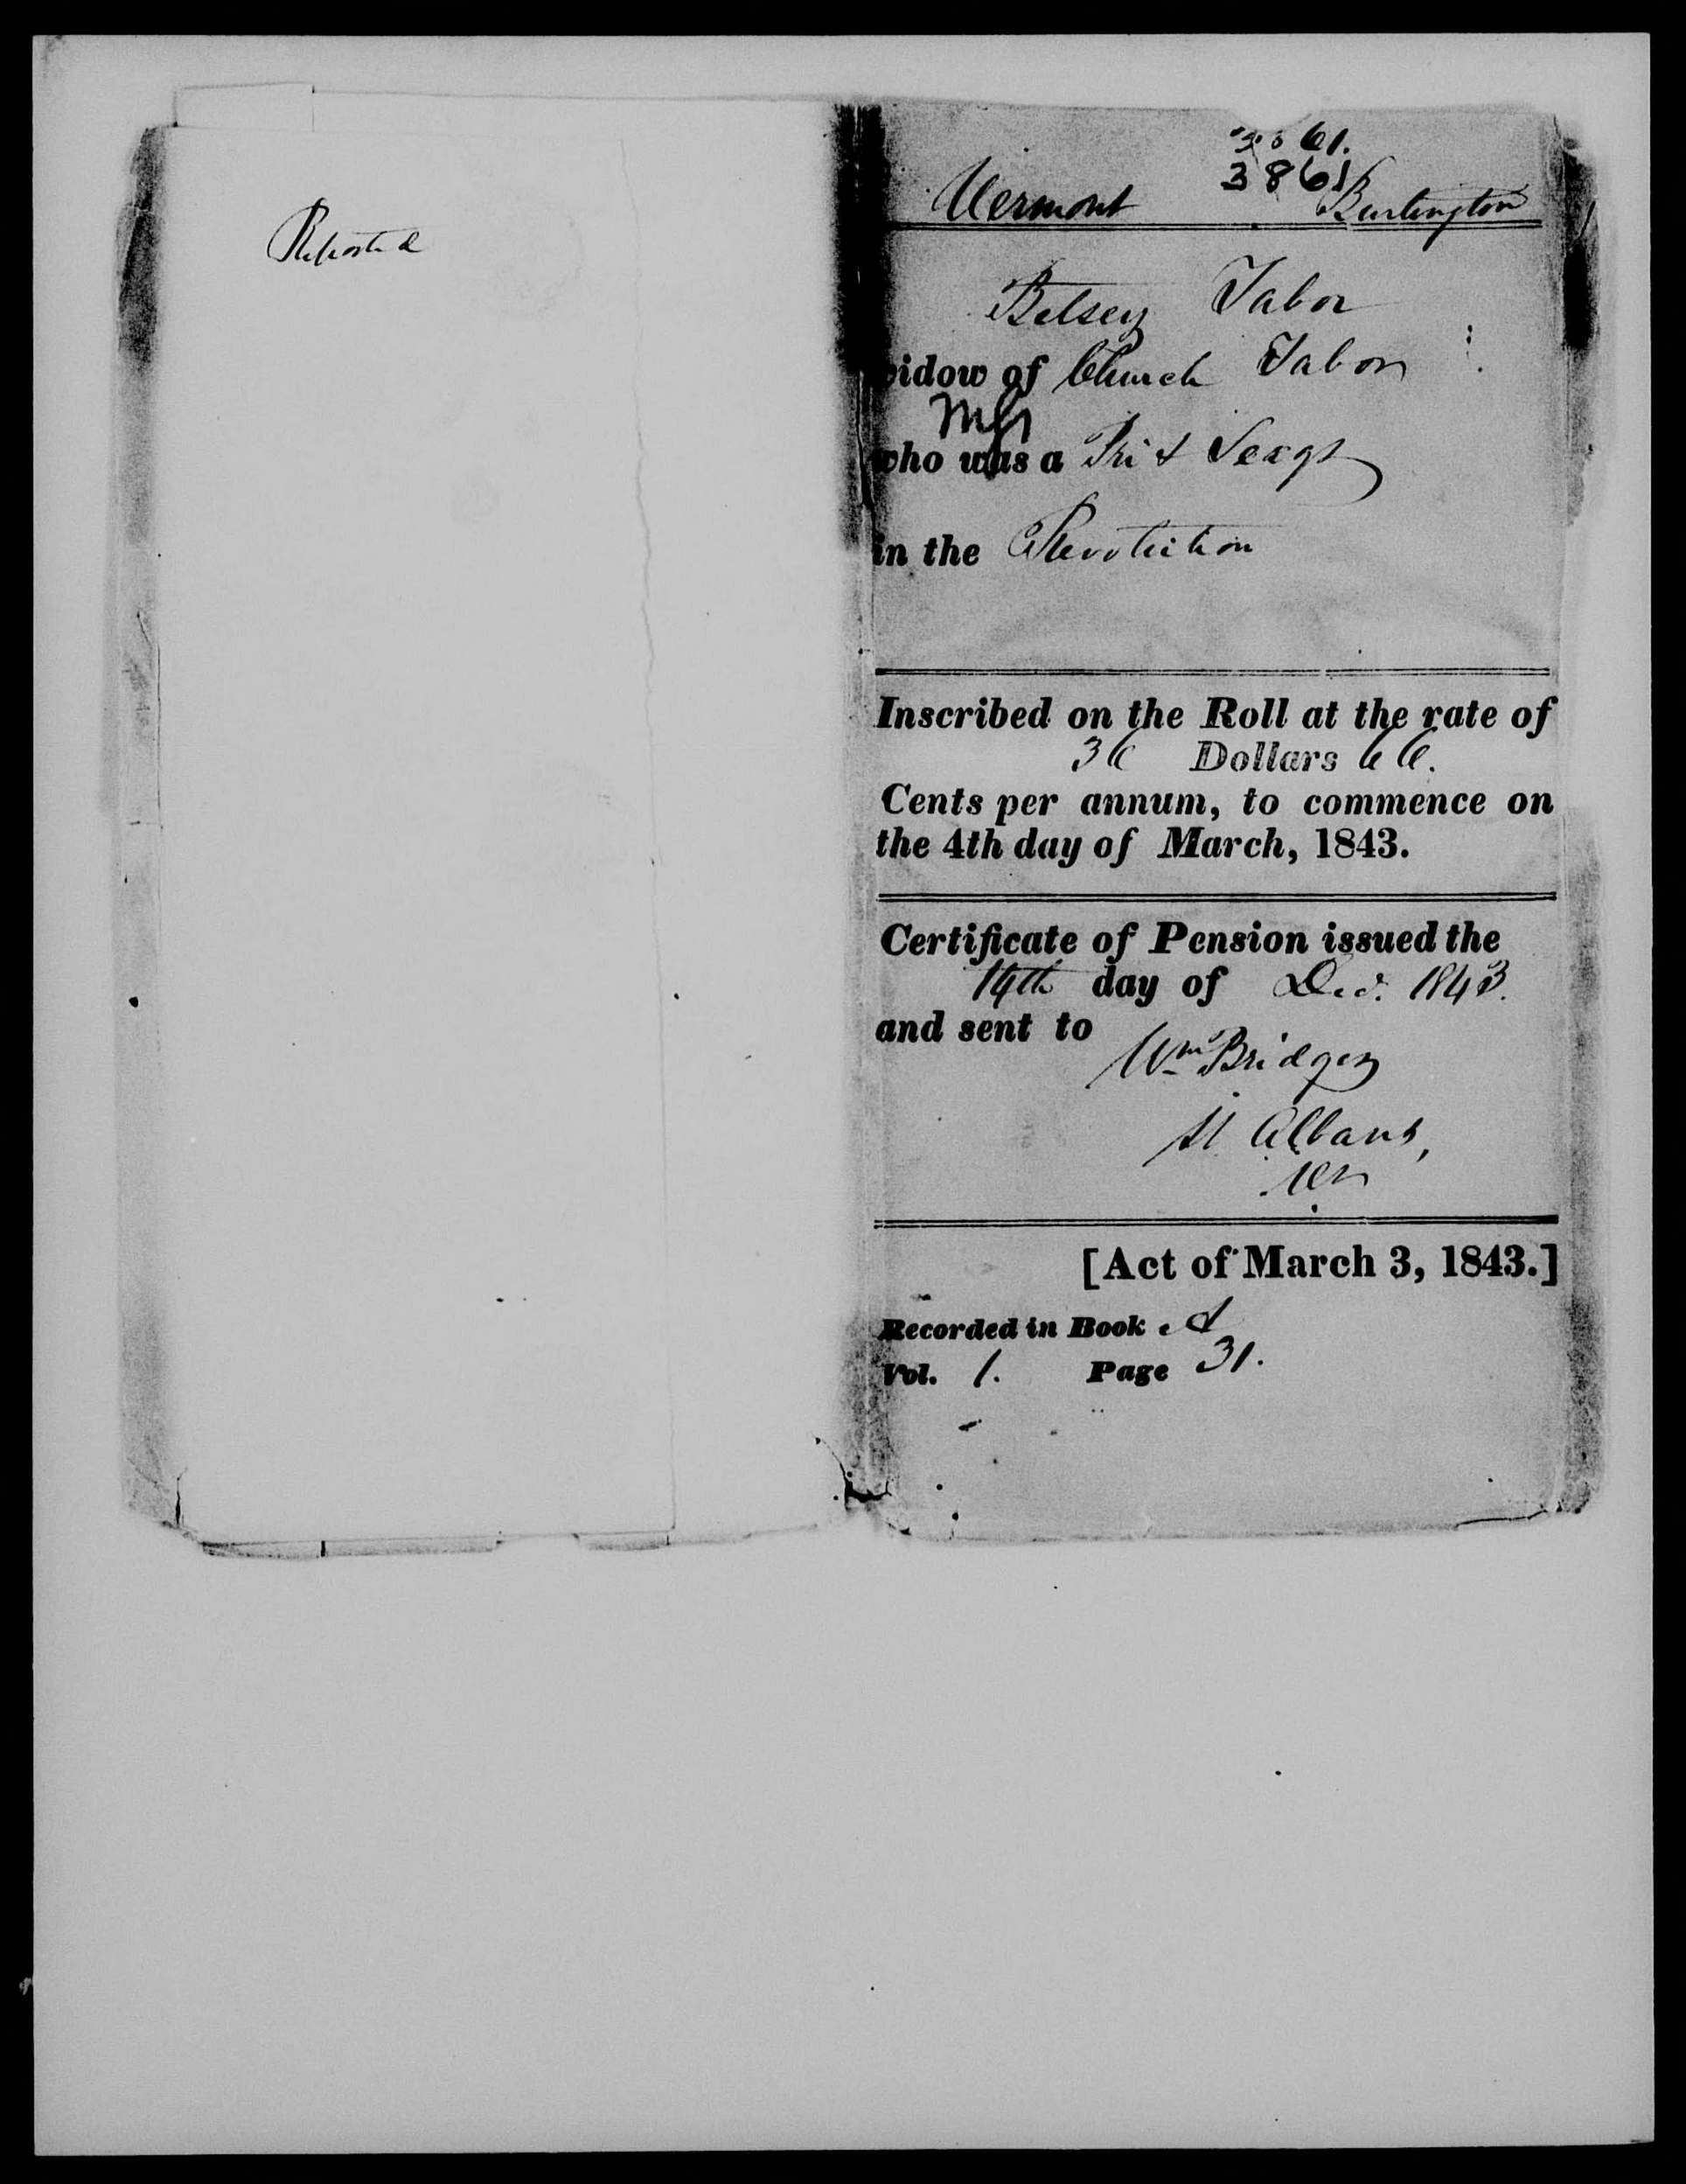[illegible]

3 8 61.
3 8 61

Vermont               Burlington
__________________________________________________

Betsey Tabor

Widow of Church Tabor
[illegible]

who was a Pri & Seargt

in the Revolution
__________________________________________________
Inscribed on the Roll at the rate of 
36 Dollars 66.
Cents per annum, to commence on
the 4th day of March, 1843.
__________________________________________________
Certificate of Pension issued the 
14th day dec. 1853
and sent to 
Wm. Bridger
M. Albans
__________________________________________________
[Act of March 3, 1843.]
Recorded in Book A
Vol 1. Page 31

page: 2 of 41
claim: widow's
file: W 26507, for Church Tabor, Massachusetts